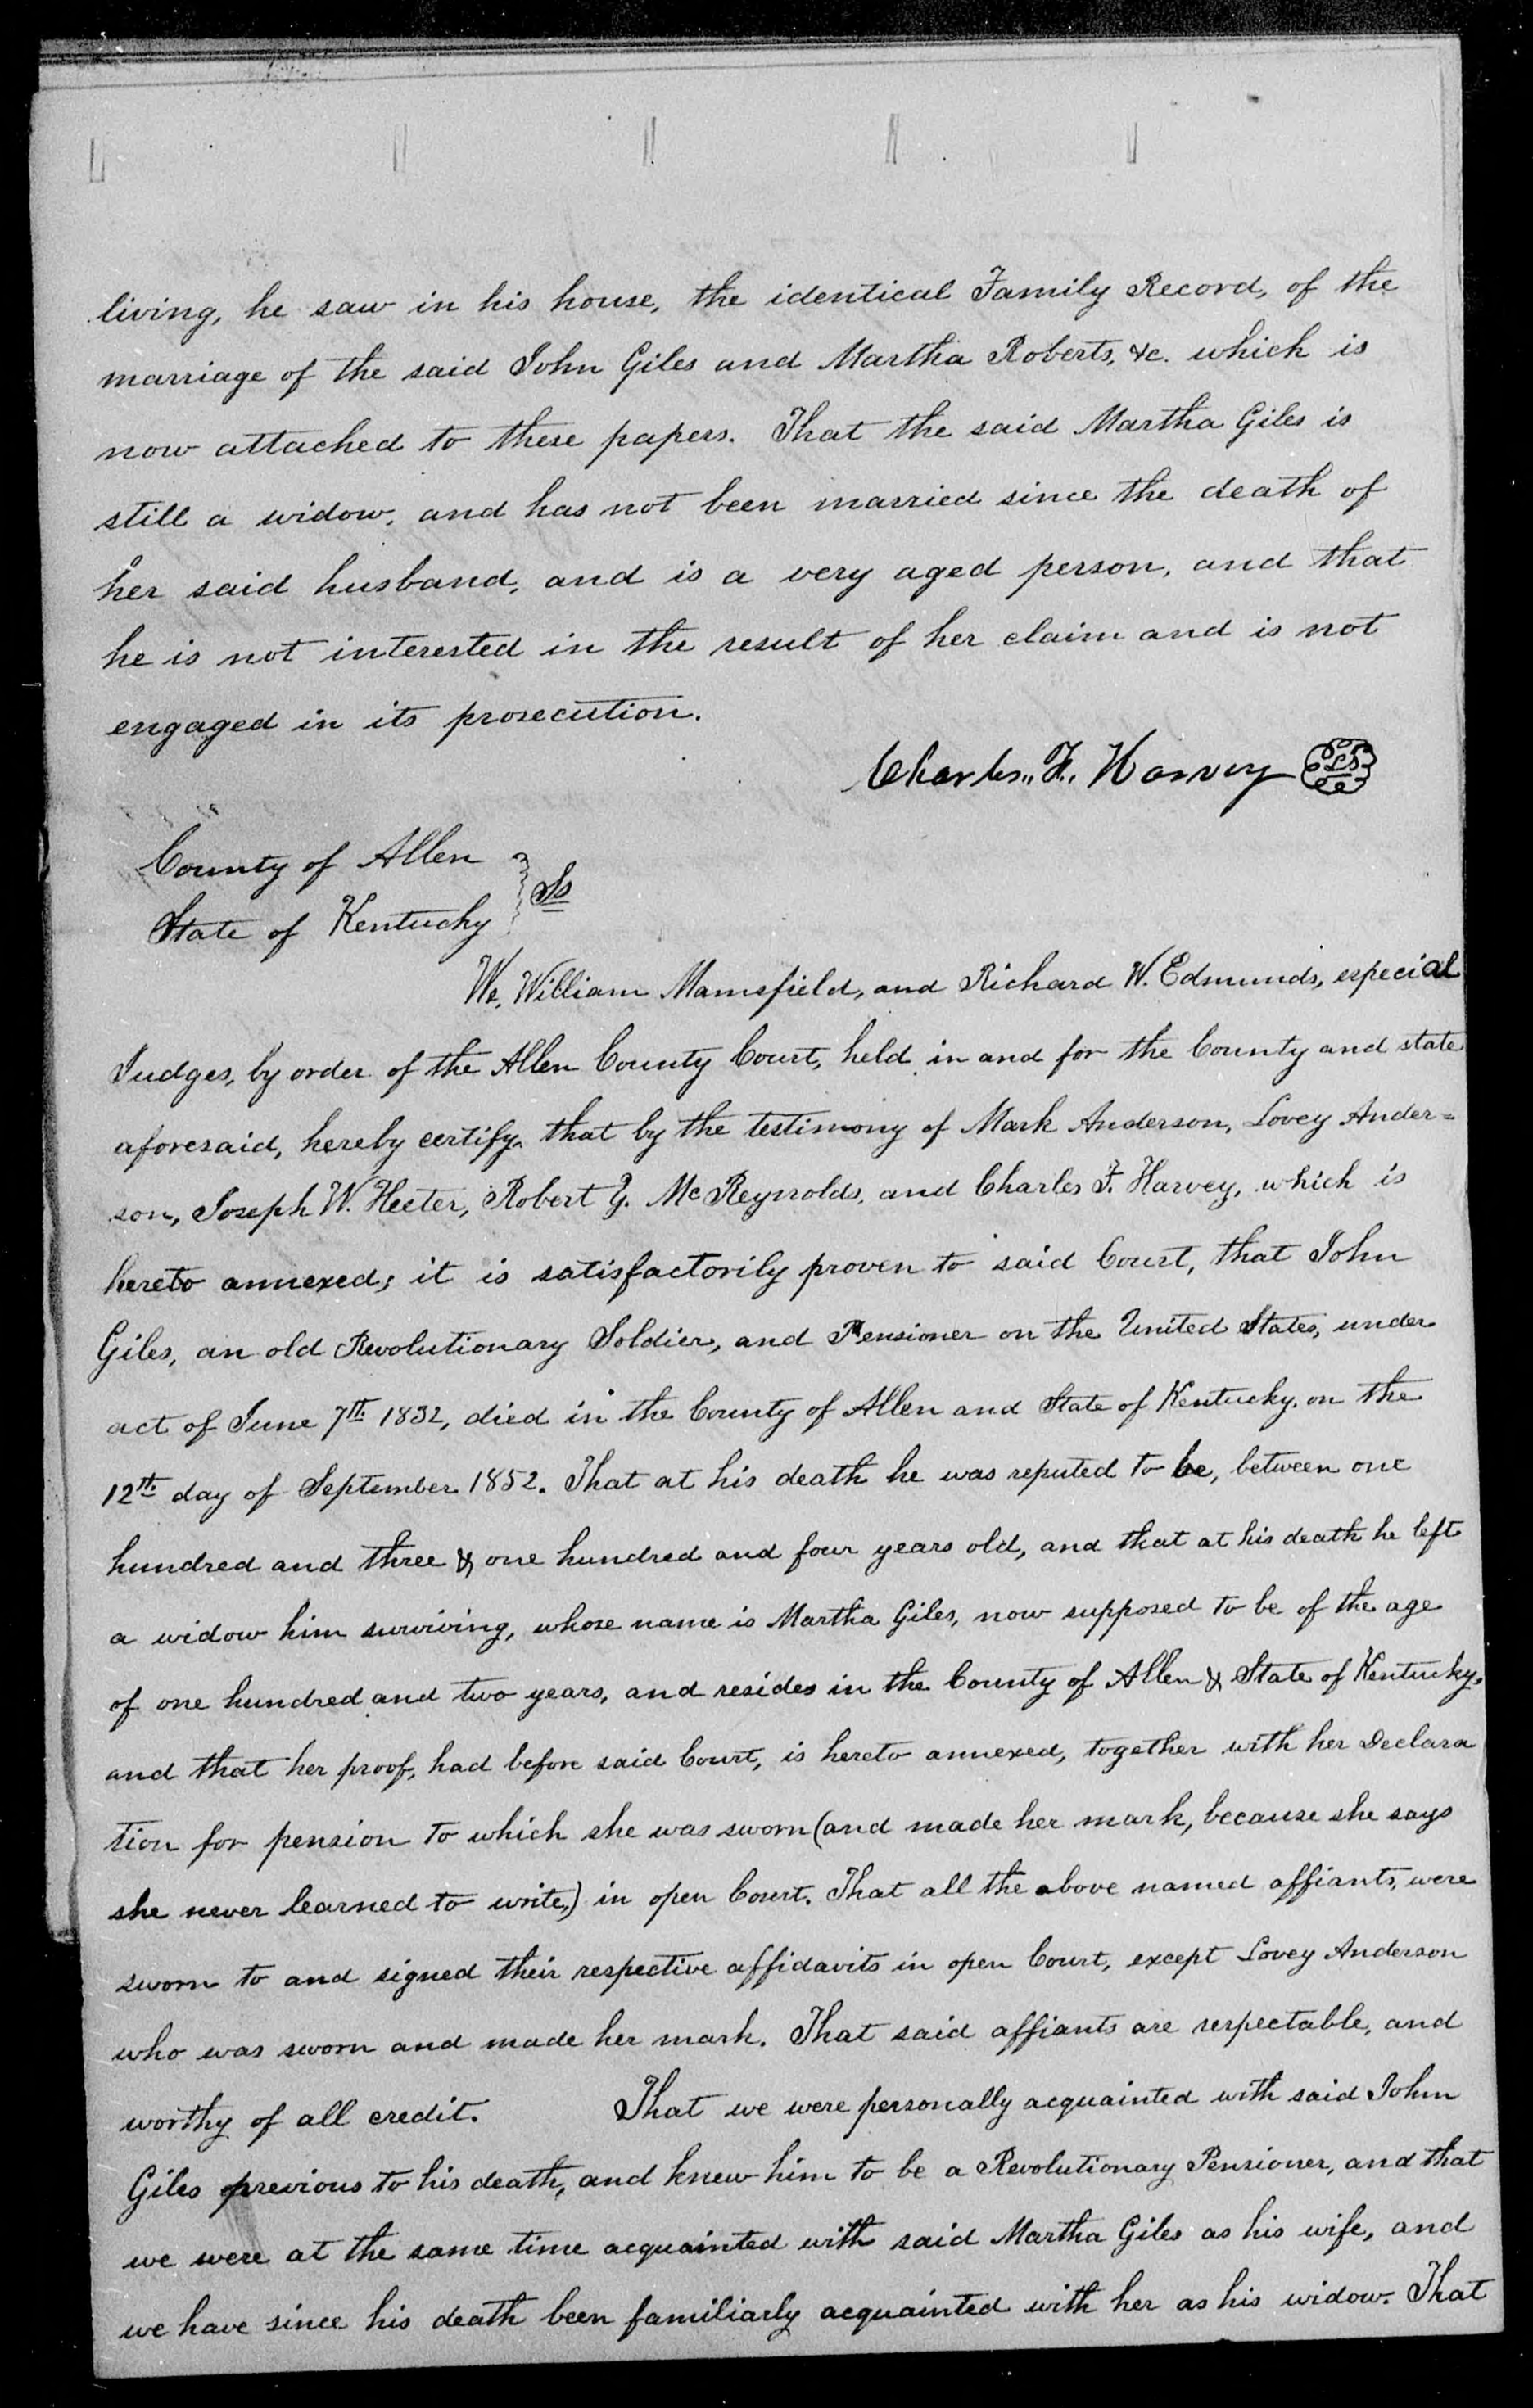living, he saw in his house, the identical Family Record, of the marriage of the said John Giles and Martha Roberts, which is now attached to these papers. That the said Martha Giles is still a widow, and has not been married since the death of her said husband and is a very aged person, and that he is not interested in the result of her claim and is not engaged in its prosecution.
Charles F. Harvey

County of Allen } Ss.
State of Kentucky }

We William Mansfield, and Richard W. Edmunds especial Judges, by order of the Allen County Court, held in and for the County and state aforesaid, hereby certify that by the testimony of Mark Anderson, Lovely Anderson, Joseph W. Hecter, Robert G. McReynolds, and Charles F. Harvey, which is hereto annexed, it is satisfactorily proven to said Court that John Giles, an old revolutionary Soldier, and Pension on the United States, under act of Jun 7th 1832, did in the County of Allen and State of Kentucky, on the 12th day of September 1852. That at his death he was reputed to be, between one hundred and three and on hundred and four years old, ant that at his death he left a widow him surviving, whose name is Martha Giles, now supposed to be of the age of one hundred and two years, and resides in the County of Allen and State of Kentucky, and that her proof, had before said Court, is hereto annexed, together with her declaration for pension to which she was sworn (and made he mark, because she says she never learned to write) in open Cout. That all the above named affiants, were sworn to and signed their respective affidavits in open Court, except Lovey Anderson who was sworn and made her mark. That said affiants are respectable, and worthy of all credit. That we were personally acquainted with said John Gils previous to his death, and knew him to be a Revolutionary Pensioner, and that we were at the same time acquainted with said Martha Gils as his wife, and we have since his death been familiarly acquainted with her as his widow. That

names: John Giles, Richard W Edmunds, Martha Giles, Charles F Harvey, Joseph W Heeter, Mark Anderson, Lovey Anderson, Martha Roberts, John Giles, John Giles, Robert Y Mc Reynolds, Lovey Anderson, Martha Giles, Mark, Martha Giles, Charles F Harvey, William Mansfield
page: 30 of 82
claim: widow's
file: W. 7,522, John Giles, N.C.